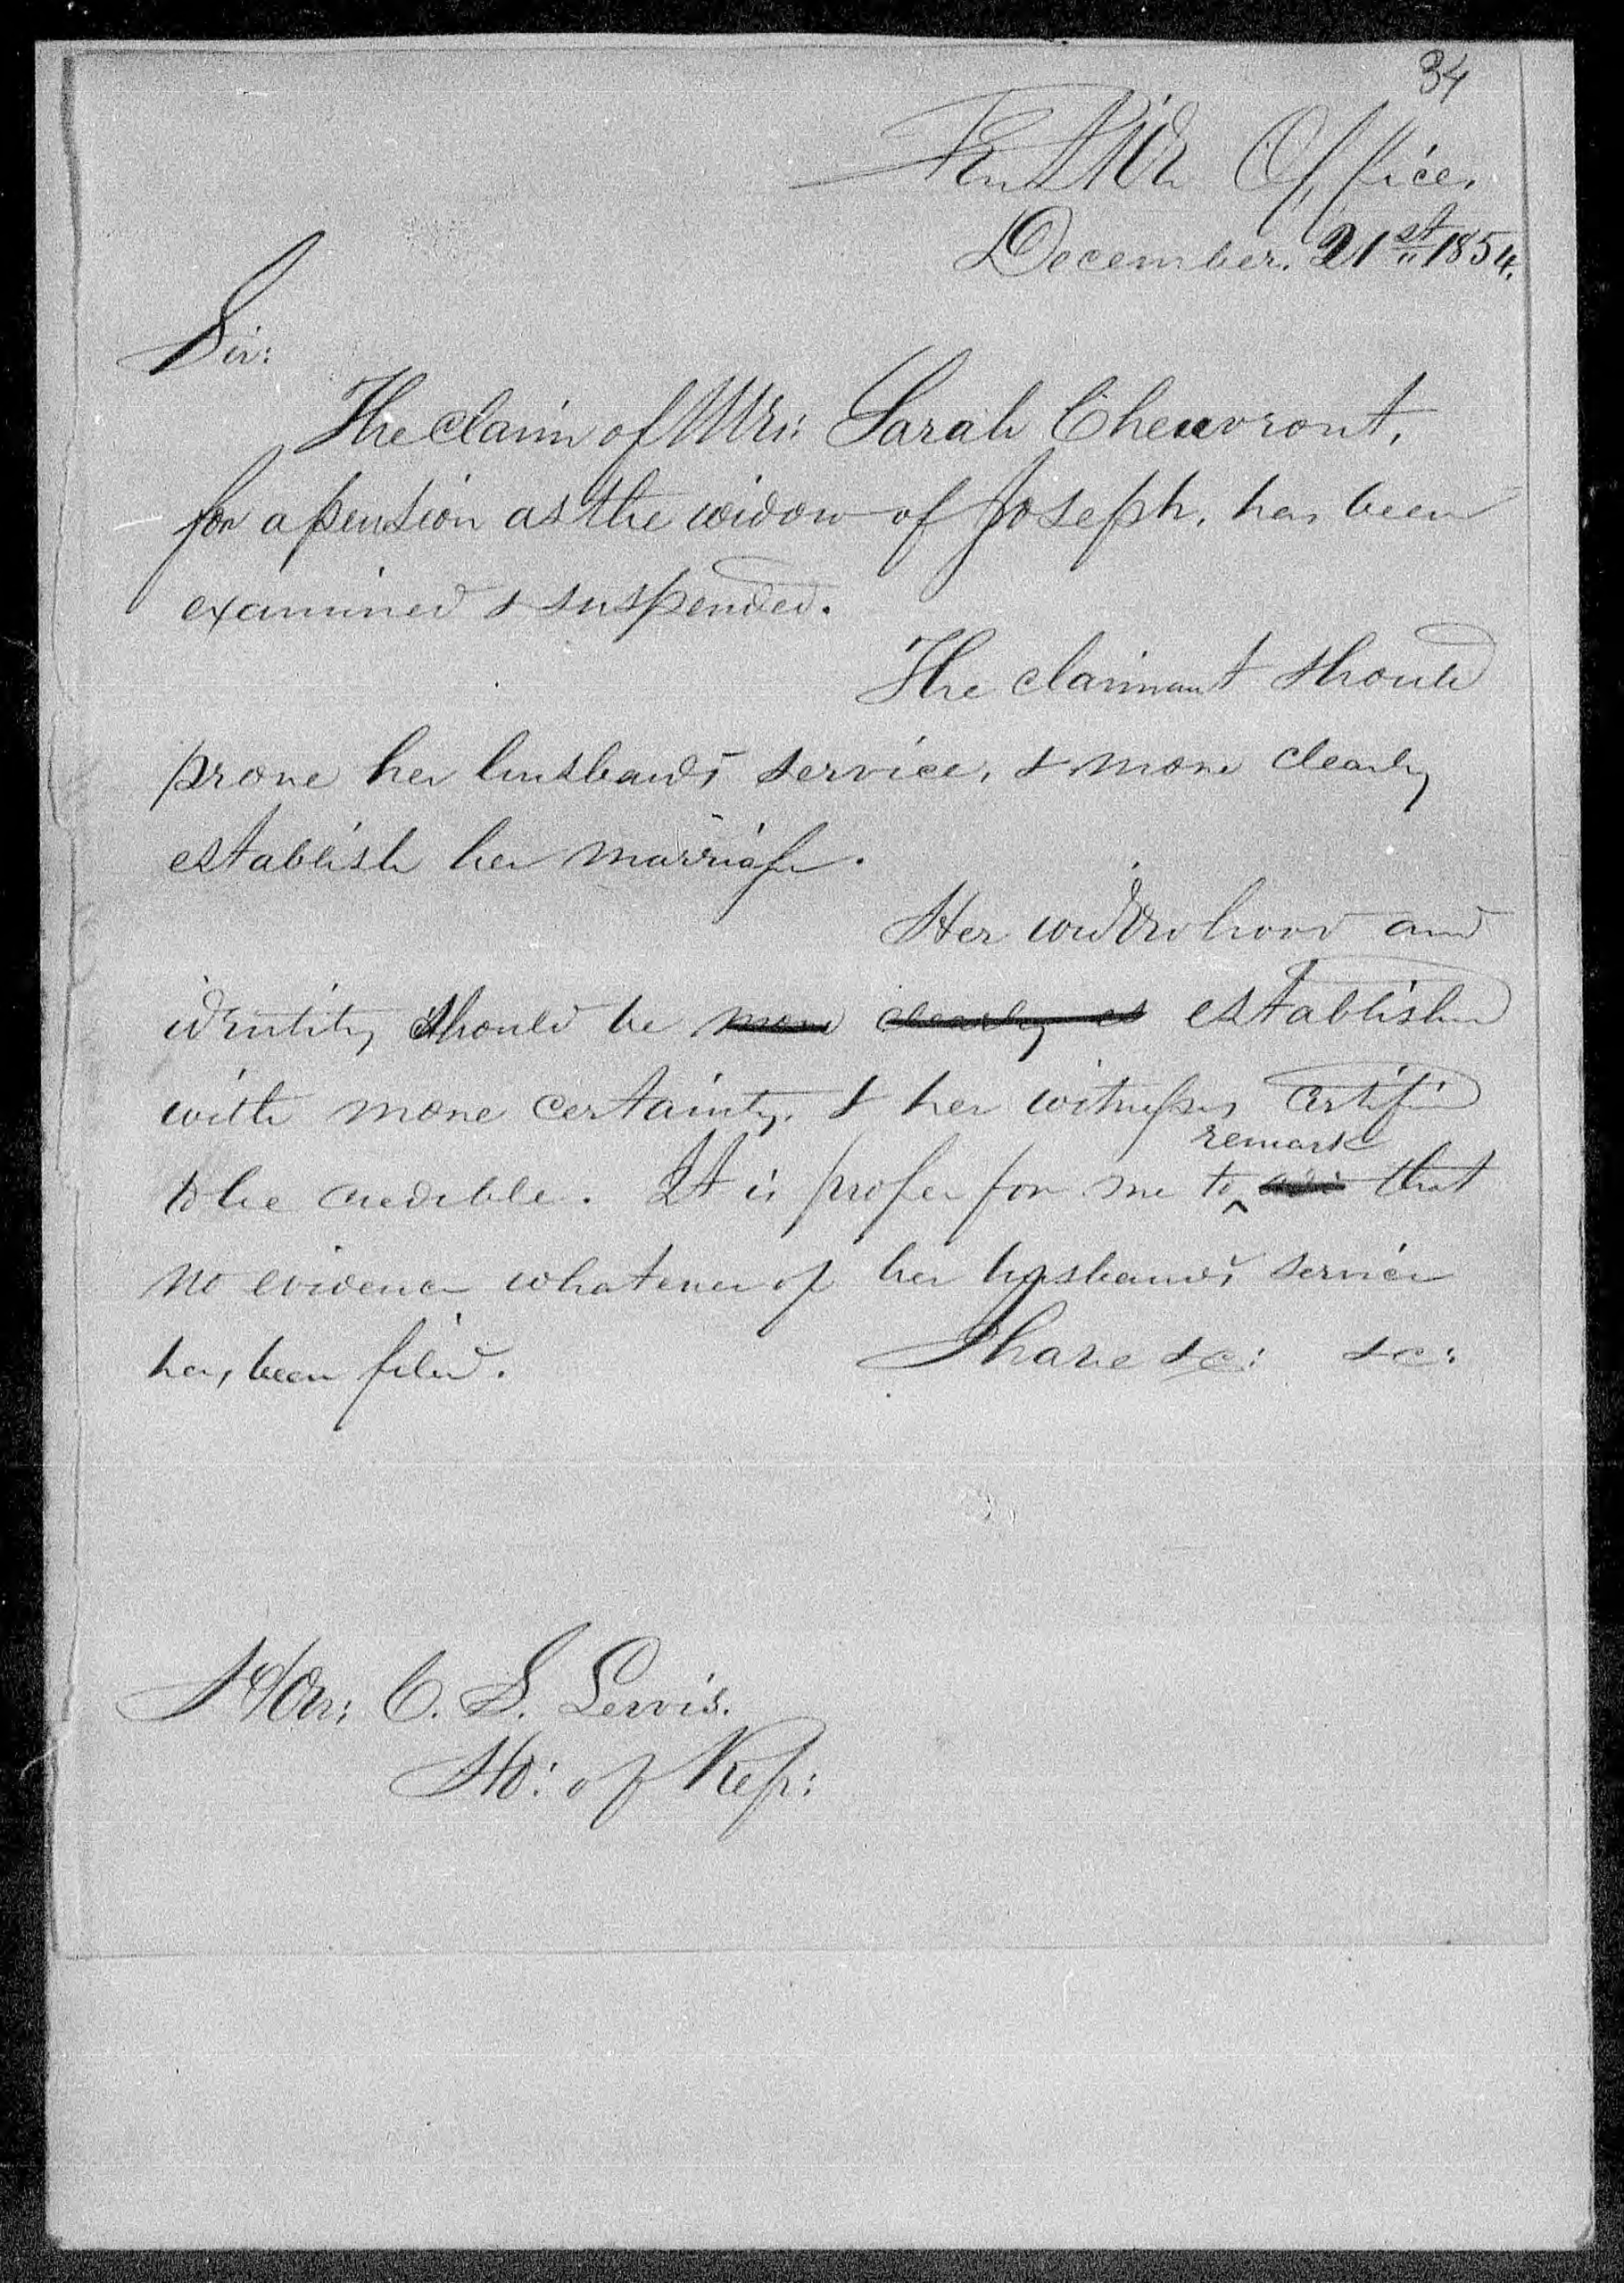34
Pension Office
December 21st 1854
Sir:
The claim of Mrs Sarah Cheuvront, for a pension as the widow of Joseph, has been examined & suspended.
The claimant should prove her husbands service, & more clearly
establish her marriage.
Her widowhood and identity should be established with more certainty & he witnesses certify to be credible. It is proper for me to remark that no evidence whatever of her husbands service has been filed.
Thare etc: etc:
Honr: C.S. Servis
Ho. [House] of Rep. [Representatives]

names: Joseph, Sarah Cheuvront, C S Lewis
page: 17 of 21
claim: rejected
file: R. 1,907, Joseph Cheuvront, Va.